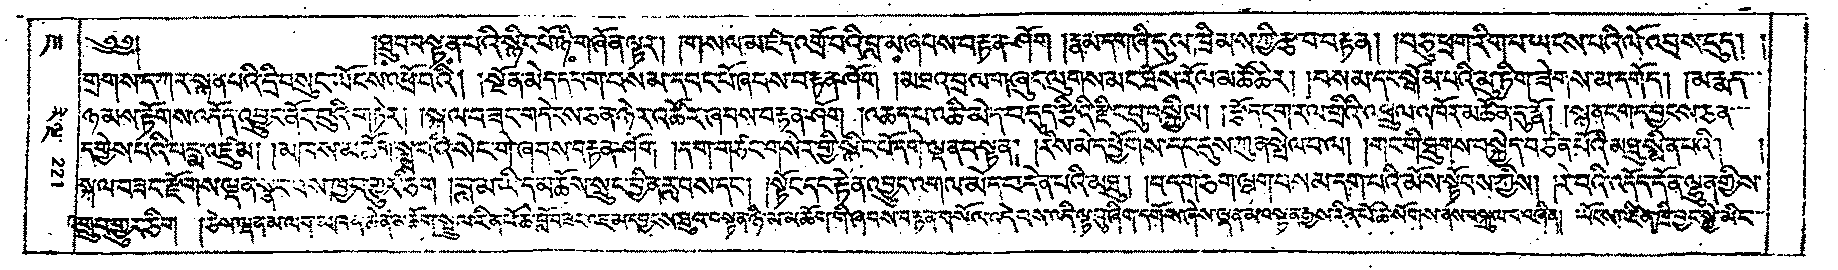༄༅། །ཐུབ྾་བསྟན྾་པའི་སྙིང་པོ་ཉི྾་གཞོན་ལྟར། །གསལ་མཛད་འགྲོ་བའི་བླ་མ྾་ཞབས་བརྟན་ཤོག །རྣམ་དག་ཞི་དུལ་ཁྲིམས་ཀྱི་རྩ་བ་བརྟན། །བཅུ་ཕྲག་རིག་པ་ཡངས་པའི་ལོ་འབྲས་དུད། །
གྲགས་དཀར་སྙན་པའི་དྲི་བསུང་ཡོངས་འཕྲོ་བའི། །སྔོན་མེད་དཔག་བསམ་དབང་པོ་ཞབས་བརྟན་ཤོག །མཐའ་བྲལ་གཞུང་ལུགས་མང་ཐོས་རོལ་མཚོ་ཆེར། །བསམ་དང་སྒོམ་པའི་མུ་ཏིག་ཟེགས་མ་དགོད། །མ་རྨད་
ཉམས་རྟོགས་འདོད་འབྱུང་ནོར་བུའི་གཏེར། །སྐལ་བཟང་གདེངས་ཅན་ཉེར་འཚོར་ཞབས་བརྟན་ཤོག །འཆད་པ་འཆི་མེད་བདུད་རྩིའི་རྫིང་བུ་བསྐྱིལ། །རྩོད་ངག་རལ་གྲིའི་འཕྲུལ་འཁོར་མཚོན་དུ་རྣོ། །སྙན་ངག་དབྱངས་ཅན་
དགྱེས་པའི་པདམ་འཛུམ། །མཁས་མཆོག་སྨྲ་བའི་སེང་གེ་ཞབས་བརྟན་ཤོག །དག་གཙང་གསེར་གྱི་སྙིང་པོ་དགེ་ལྡན་བསྟན། །རིས་མེད་ཕྱོགས་དང་དུས་ཀུན་སྤེལ་བ་ལ། །གང་གི་ཐུགས་བསྐྱེད་བཙན་པོའི་མཐུ་སྨིན་པའི། །
སྐལ་བཟང་རྫོགས་ལྡན་སྣང་བས་ཁྱབ་གྱུར་ཅིག །བླ་མ་ཡི་དམ་ཆོས་སྲུང་བྱིན་རླབས་དང་། །སྟོང་དང་རྟེན་འབྱུང་འགལ་མེད་བདེན་པའི་མཐུ། །བདག་ཅག་ལྷག་བསམ་དག་པའི་མོས་སྟོབས་ཀྱིས། །རེ་བའི་འདོད་དོན་ལྷུན་གྱིས་
གྲུབ་གྱུར་ཅིག །ཅེས་ལྡན་མ་ལབ་མཁན་ཆེན་མཆོག་སྤྲུལ་རིན་པོ་ཆེ་བློ་བཟང་འཇམ་དབྱངས་ཐུབ་བསྟན་ཉི་མ་མཆོག་གི་ཞབས་བརྟན་གསོལ་འདེབས་འདི་ལྟ་བུ་ཞིག་དགོས་ཞེས་ལྡན་མ་བསྟན་རྒྱས་རིན་པོ་ཆེ་སོགས་ནས་བསྐུལ་བ་བཞིན། ཡོངས་འཛིན་ཁྲི་བྱང་སྐྱེ་མིང་